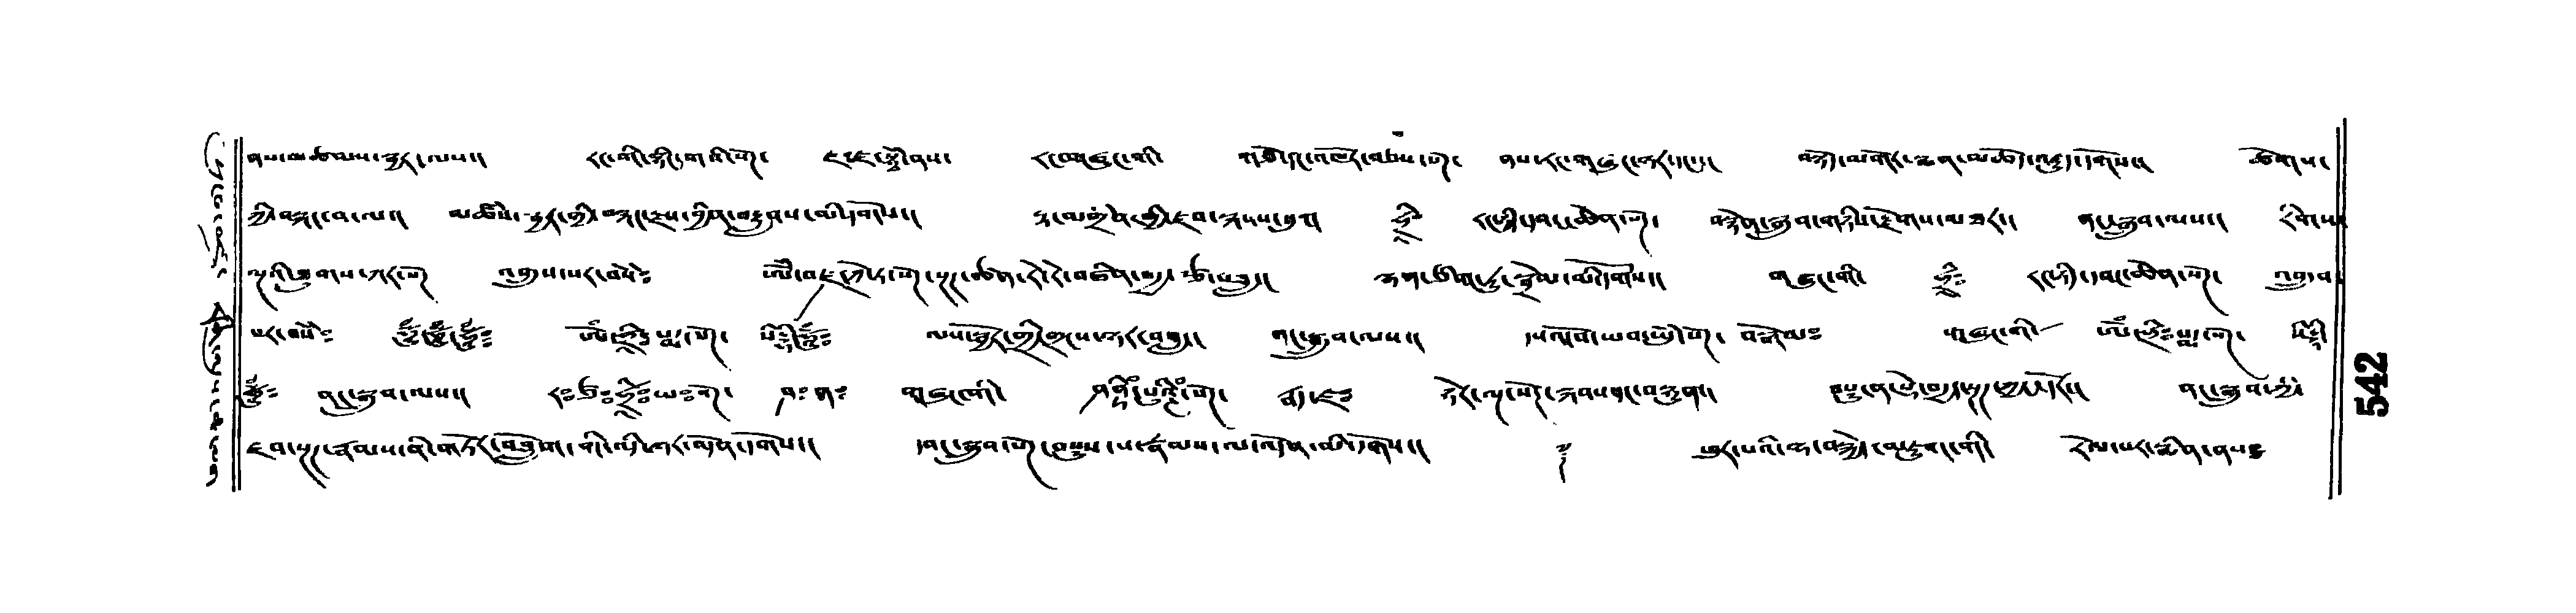ནས་མཚམས་སྦྱར་ལས། རང་གི་སྙིང་གའི་སོགས། ཛ་ཛ་སྟྭམ་ནས། རང་གཞུང་གི གཙོ་དང་འཁོར་བཅས་སོགས་ནས་རང་གཞུང་གར་དང་། བསྟོད་འགོར་སྨན་མཆོད་འཛུད་དགོས། ཚོགས་
ཀྱི་བསྐང་བ་ལ། མཚམས་སྦྱར་གྱི་བསྐང་རྫས་བྱིན་བརླབས་མི་དགོས། རྟ་མགྲིན་གྱི་འཛབ་སྐབས་སུ། ཧྲཱིཿ རང་ཉིད་དབང་ཆེན་སོགས། བསྙེན་སྒྲུབ་གཉིས་རྫོགས་མཐར། ནང་སྒྲུབ་ལས། རིགས་
ལྔའི་ཐུགས་ཀར་སོགས། འགྲུབ་པར་བསམ༔ ཨོཾ་བཛྲ་ཀྲོ་ཏ་སོགས་སྔགས་ཚན་རེ་རེ་བཞིན་བརྒྱ་རྩ་བཟླ། ལྷན་ཅིག་ཏུ་སྦྲེལ་མི་དགོས། གཞུང་གི ཧྲཱིཿ རང་ཉིད་དབང་ཆེན་སོགས། འགྲུབ་
པར་བསམ༔ ཧཱུྃ་ཧཱུྃ་ཧཱུྃ༔ ཨོཾ་ཧྲཱིཿཔདྨ་སོགས། སིདྡྷི་ཧཱུྃ༔ ལས་སྦྱོར་གྱི་གྲངས་ལྟར་བཟླ། ནང་སྒྲུབ་ལས། དཔའ་བོ་ཡབ་ཡུམ་སོགས། བསྒོམ༔ གཞུང་གི ཨོཾ་ཧྲཱིཿཔདྨ་སོགས། སིདྡྷི་
ཧཱུྃ༔ ནང་སྒྲུབ་ལས། རཿཙཿཧྲཱིཿཡཿ སོགས། ཤཿནཿ གཞུང་གི ཤནྟིཾ་པུཥྚིཾ་སོགས། རྦད་ཛཿ ཉེར་ལྔ་སོགས་སྐབས་དང་བསྟུན། བསྡུ་ན་སྡེ་བརྒྱད་སྔགས་ཀྱང་དོར། ནང་སྒྲུབ་ཀྱི་
འཛབ་སྔགས་རྣམས་ནི་གཏོར་བཟློག་གི་འདི་གར་འདོན་དགོས། དབང་སྒྲུབ་སོགས་བསྡུས་པ་རྣམས་ལ་འདོན་མི་དགོས། ༈ ཕུར་པའི་ལྷ་བསྐྱེད་མཇུག་གི རོལ་པར་སྨིན་ནས༔